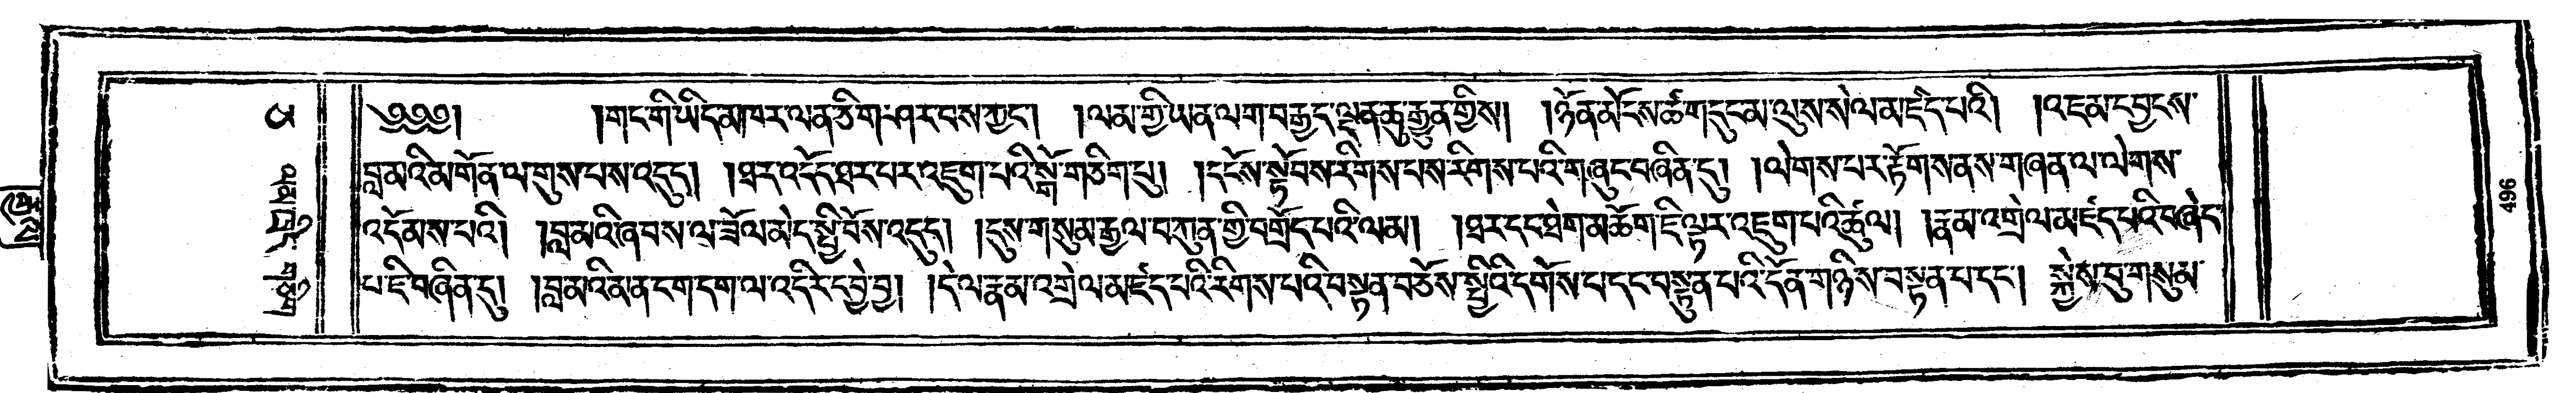༄༅༅། །གང་གི་ཡིད་མཁར་ལན་ཅིག་ཤར་བས་ཀྱང་། །ལམ་གྱི་ཡན་ལག་བརྒྱད་ལྡན་ཆུ་རྒྱུན་གྱིས། །ཉོན་མོངས་ཚ་གདུང་མ་ལུས་སེལ་མཛད་པའི། །འཇམ་དབྱངས་
བླ་མའི་མགོན་ལ་གུས་པས་འདུད། །ཐར་འདོད་ཐར་པར་འཇུག་པའི་སྒོ་གཅིག་པུ། །དངོས་སྟོབས་རིགས་པས་རིགས་པའི་གཞུང་བཞིན་དུ། །ལེགས་པར་རྟོགས་ནས་གཞན་ལ་ལེགས་
འདོམས་པའི། །བླ་མའི་ཞབས་ལ་ཟོལ་མེད་སྤྱི་བོས་འདུད། །དུས་གསུམ་རྒྱལ་བ་ཀུན་གྱི་བགྲོད་པའི་ལམ། །ཐར་དང་ཐེག་མཆོག་ཇི་ལྟར་འཇུག་པའི་ཚུལ། །རྣམ་འགྲེལ་མཛད་པའི་བཞེད་
པ་ཇི་བཞིན་དུ། །བླ་མའི་མན་ངག་དག་ལ་འདིར་དབྱེ་བྱ། །དེ་ལ་རྣམ་འགྲེལ་མཛད་པའི་རིགས་པའི་བསྟན་བཅོས་སྤྱིའི་དགོས་པ་དང་བསྟུན་པའི་དོན་གཉིས་བསྟན་པ་དང་། སྐྱེ་བུ་གསུམ་